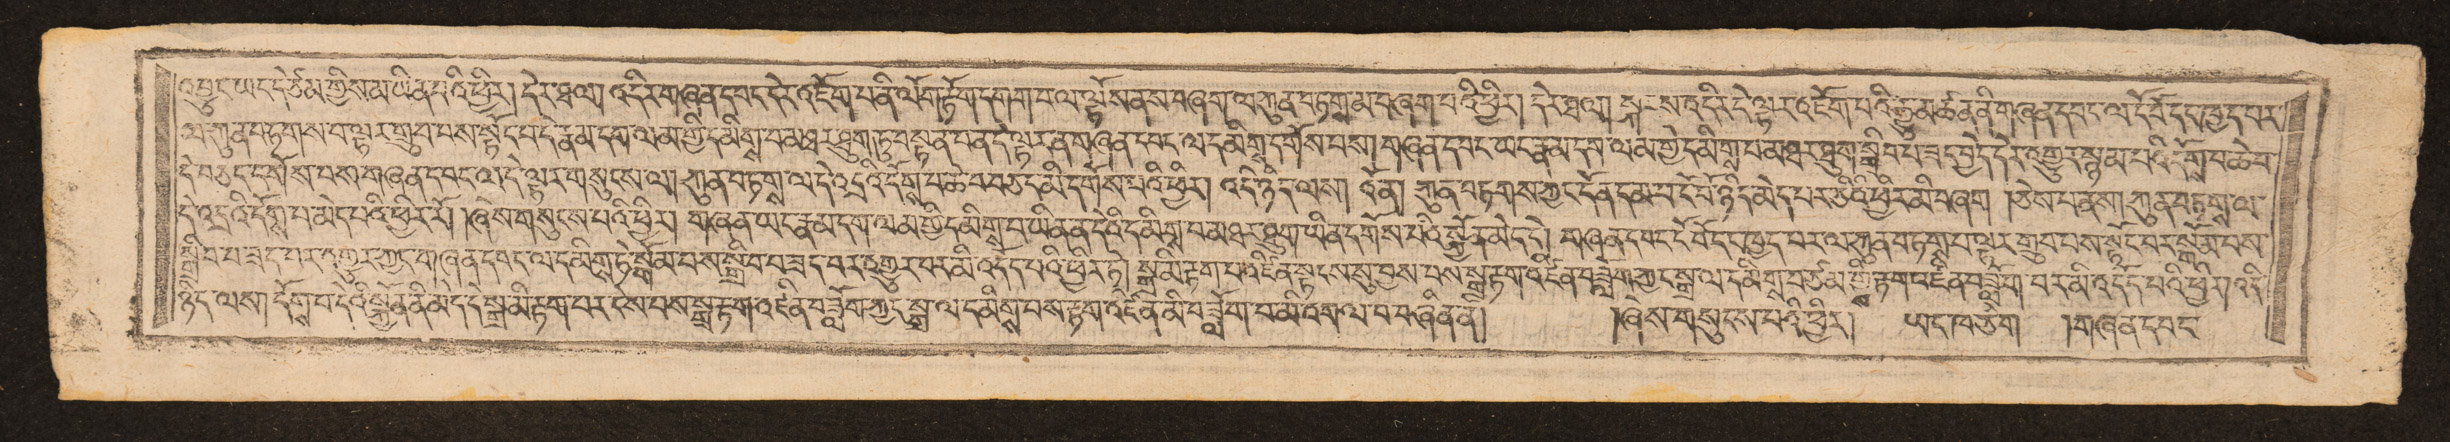འབྱུང་ཡང་དེ་ཙམ་གྱིས་མ་ཡིན་པའི་ཕྱིར། དེར་ཐལ། འདིར་གཞན་དབང་དེར་འཇོག་པ་ནི་ལོག་རྟོག་དགག་པ་ལ་ལྟོས་ནས་བཞག་ལ་ཀུན་བཏགས་མ་བཞག་པའི་ཕྱིར། དེར་ཐལ། སྐབས་འདིར་དེ་ལྟར་འཇོག་པའི་རྒྱུ་མཚན་ནི་གཞན་དབང་ལ་ངོ་བོ་དང་ཁྱད་པར་
ལ་ཀུན་བཏགས་པ་ལྟར་གྲུབ་པས་སྟོང་པ་དེ་རྣམ་དག་ལམ་གྱི་དམིགས་པ་མཐར་ཐུག་ཏུ་བསྟན་པ་ན་དེ་ལྟར་ན་གཞན་དབང་ལ་དམིགས་དགོས་པས། གཞན་དབང་ཡང་རྣམ་དག་ལམ་གྱི་དམིགས་པ་མཐར་ཐུག་སྒྲིབ་པ་ཟད་བྱེད་དོར་འགྱུར་སྙམ་པའི་དོགས་པ་ཆེ་བ་
དེ་བཅད་དགོས་པས་གཞན་དབང་ལ་དེ་ལྟར་གསུངས་ལ། ཀུན་བཏགས་ལ་དེ་འདྲའི་དོགས་པ་ཆེ་བ་བཅད་མི་དགོས་པའི་ཕྱིར། འདི་ཉིད་ལས། འོ་ན། ཀུན་བཏགས་ཀྱང་དོན་དམ་པ་ངོ་བོ་ཉིད་མེད་པར་ཅིའི་ཕྱིར་མི་བཞག །ཅེས་པ་ནས། ཀུན་བཏགས་ལ་
དེ་འདྲའི་དོགས་པ་མེད་པའི་ཕྱིར་རོ། །ཞེས་གསུངས་པའི་ཕྱིར། གཞན་ཡང་རྣམ་དག་ལམ་གྱི་དམིགས་པ་ཡིན་ན་དེའི་དམིགས་པ་མཐར་ཐུག་ཡིན་དགོས་པའི་སྐྱོན་མེད་དེ། གཞན་དབང་ངོ་བོ་དང་ཁྱད་པར་ལ་ཀུན་བཏགས་པ་ལྟར་གྲུབ་པས་སྟོང་པར་སྒོམ་པས་
སྒྲིབ་པ་ཟད་པར་འགྱུར་ཀྱང་གཞན་དབང་ལ་དམིགས་ཏེ་སྒོམ་པས་སྒྲིབ་པ་ཟད་པར་འགྱུར་བར་མི་འདོད་པའི་ཕྱིར་ཏེ། སྒྲ་མི་རྟག་པ་འཛིན་སྟངས་སུ་བྱས་པས་སྒྲ་རྟག་འཛིན་བཟློག་ཀྱང་སྒྲ་ལ་དམིགས་པ་ཙམ་གྱིས་རྟག་འཛིན་བཟློག་པར་མི་འདོད་པའི་ཕྱིར། འདི་
ཉིད་ལས། དོགས་པ་དེའི་སྐྱོན་ནི་མེད་དེ་སྒྲ་མི་རྟག་པར་ངེས་པས་སྒྲ་རྟག་འཛིན་བཟློག་ཀྱང་སྒྲ་ལ་དམིགས་པས་རྟག་འཛིན་མི་བཟློག་པ་མི་འགལ་བ་བཞིན་ནོ། །ཞེས་གསུངས་པའི་ཕྱིར། ཡང་ཁ་ཅིག །གཞན་དབང་